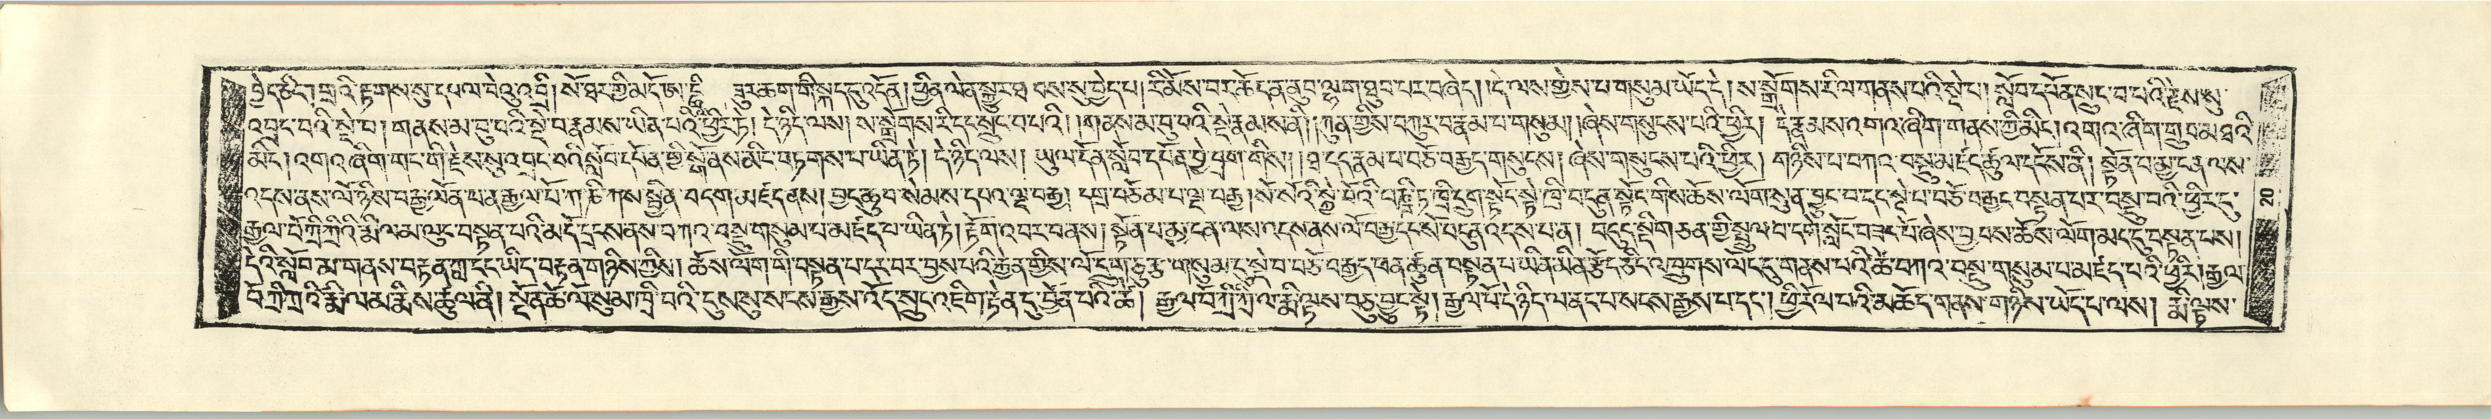བྱེད་ཅིང་། གྲའི་རྟགས་སུ་དཔལ་བེའུ་འབྲི། སོ་ཐར་གྱི་མདོ་ཨ་དྷཱི་?་ཟུར་ཆག་གི་སྐད་དུ་འདོན། ཕྱིན་ལེན་སྐྱུར་ཐབས་སུ་བྱེད་པ། རི་མོས་བར་ཆོད་ན་ནུབ་ལྷག་ཐུབ་པར་བཞེད། །དེ་ལས་གྱེས་པ་གསུམ་ཡོད་དེ། ས་སྒྲོགས་རི་ལ་གནས་པའི་སྡེ་པ། སློབ་དཔོན་སྲུང་བ་བའི་རྗེས་སུ་
འབྲང་བའི་སྡེ་བ། གནས་མ་བུ་བའི་སྡེ་བ་རྣམས་ཡིན་པའི་ཕྱིར་ཏེ། དེ་ཉིད་ལས། ས་སྒྲོགས་རི་དང་སྲུང་བ་པའི། །གནས་མ་བུ་བའི་སྡེ་རྣམས་ནི། །ཀུན་གྱིས་བཀུར་བ་རྣམ་པར་གསུམ། །ཞེས་གསུངས་པའི་ཕྱིར། དེ་རྣམས་འགའ་ཞིག་གནས་ཀྱི་མིང་། འགའ་ཞིག་གྲུབ་མཐའི་
མིང་། འགའ་ཞིག་གང་གི་རྗེས་སུ་འབྲང་བའི་སློབ་དཔོན་གྱི་སྒོ་ནས་མིང་བཏགས་པ་ཡིན་ཏེ། དེ་ཉིད་ལས། ཡུལ་དོན་སློབ་དཔོན་བྱེ་བྲག་གིས། །ཐ་དད་རྣམ་པ་བཅོ་བརྒྱད་གསུངས། ཞེས་གསུངས་པའི་ཕྱིར། གཉིས་པ་བཀའ་བསྡུ་མཛད་ཚུལ་དངོས་ནི། སྟོན་པ་མྱ་ངན་ལས་
འདས་ནས་ལོ་ཉིས་བརྒྱ་ལོན་པ་ན་རྒྱལ་པོ་ཀ་ནི་ཀས་སྦྱིན་བདག་མཛད་ནས། བྱང་ཆུབ་སེམས་དཔའ་ལྔ་བརྒྱ། དགྲ་བཅོམ་པ་ལྔ་བརྒྱ། སོ་སོའི་སྐྱེ་བོའི་པནྜི་ཏ་ཁྲི་དྲུག་སྟོང་སྟེ་ཁྲི་བདུན་སྟོང་གིས་ཆོས་ལོག་སུན་བྱུང་བ་དང་སྡེ་པ་བཅོ་བརྒྱད་བསྟན་པར་བསྡུ་པའི་ཕྱིར་དུ་
རྒྱལ་པོ་ཀྲི་ཀྲིའི་རྨི་ལམ་ལུང་བསྟན་པའི་མདོ་དྲངས་ནས་བཀའ་བསྡུ་གསུམ་པ་མཛད་པ་ཡིན་ཏེ། རྟོག་འབར་བ་ནས། སྟོན་པ་མྱ་ངན་ལས་འདས་ནས་ལོ་བརྒྱ་དང་སོ་བདུན་འདས་པ་ན། བདུད་སྡིག་ཅན་གྱི་སྤྲུལ་པ་དགེ་སློང་བཟང་པོ་ཞེས་བྱ་བས་ཆོས་ལོག་མང་དུ་བསྟན་པས།
དེའི་སློབ་མ་གནས་བརྟན་ཀླ་དང་ཡིད་བརྟན་གཉིས་ཀྱིས། ཆོས་ལོག་གི་བསྟན་པ་དར་བར་བྱས་པའི་རྐྱེན་གྱིས་ལོ་དྲུག་ཅུ་རྩ་གསུམ་དུ་སྡེ་བ་བཅོ་བརྒྱད་ཕན་ཚུན་བསྟན་པ་ཡིན་མིན་རྩོད་ཅིང་འཁྲུགས་ལོང་དུ་གནས་པའི་ཚེ་བཀའ་བསྡུ་གསུམ་པ་མཛད་པའི་ཕྱིར། རྒྱལ་
པོ་ཀྲི་ཀྲའི་རྨི་ལམ་རྨིས་ཚུལ་ནི། སྔོན་ཚེ་ལོ་སུམ་ཁྲི་བའི་དུས་སུ་སངས་རྒྱས་འོད་སྲུང་འཇིག་རྟེན་དུ་བྱོན་པའི་ཚེ། རྒྱལ་ཨོཔོ་ཀྲི་ཀྲི་ལ་རྨི་ལྟས་བཅུ་བྱུང་སྟེ། རྒྱལ་པོ་དེ་ཉིད་ལ་ནང་བ་སངས་རྒྱས་པ་དང་། ཕྱི་རོལ་བའི་མཆོད་གནས་གཉིས་ཡོད་པ་ལས། རྨི་ལྟས་